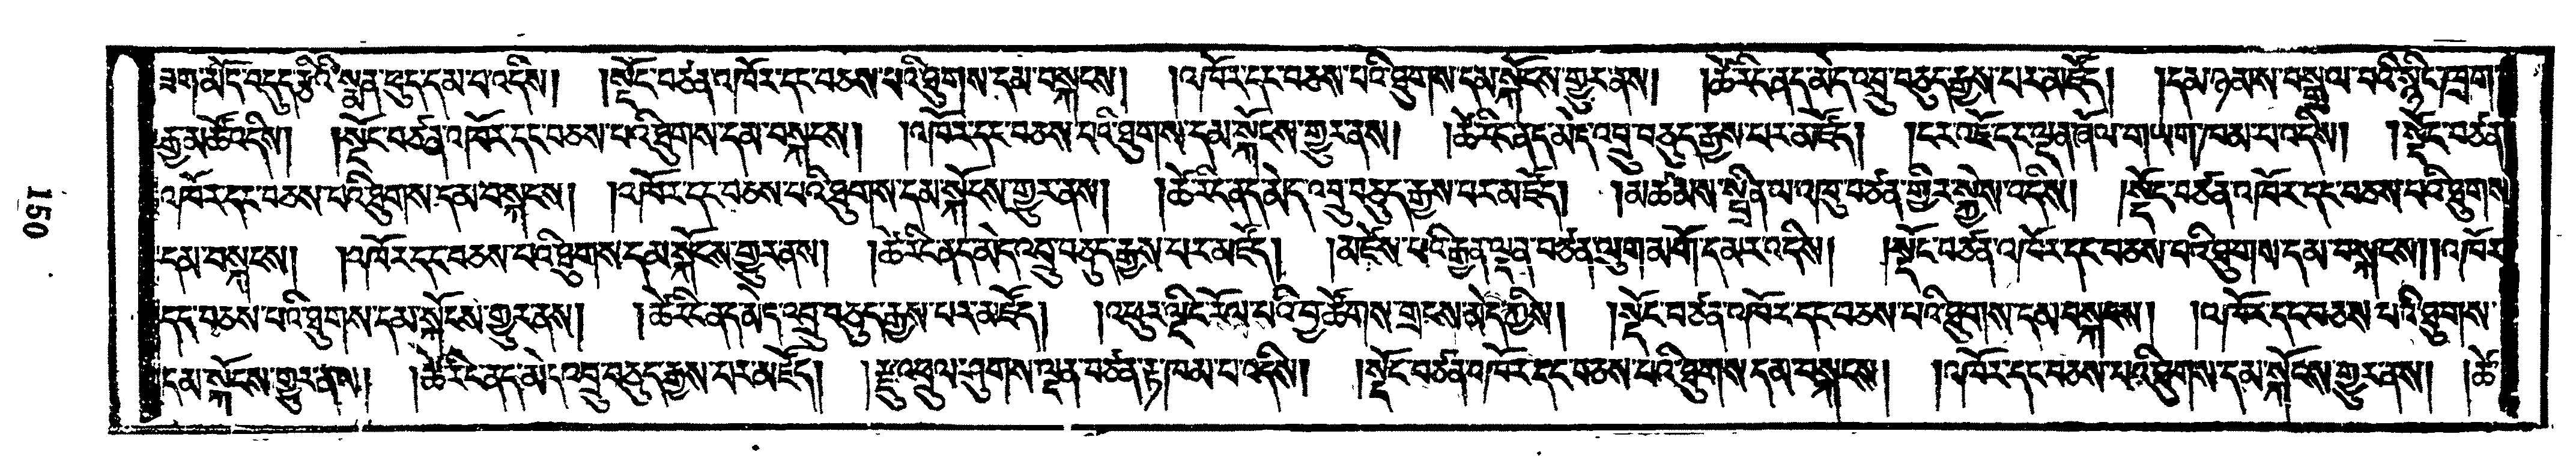ཟག་མོད་བདུད་རྩིའི་སྨན་ཕུད་དམ་པ་འདིས། །སྡོང་བཙན་འཁོར་དང་བཅས་པའི་ཐུགས་དམ་བསྐངས། །འཁོར་དང་བཅས་པའི་ཐུགས་དམ་སྐོངས་གྱུར་ནས། །ཚེ་རིང་ནད་མེད་འབྲུ་བཅུད་རྒྱས་པར་མཛོད། །དམ་ཉམས་བསྒྲལ་བའི་སྙིང་ཁྲག་
རྒྱ་མཚོ་འདིས། །སྡོང་བཙན་འཁོར་དང་བཅས་པའི་ཐུགས་དམ་བསྐངས། །འཁོར་དང་བཅས་པའི་ཐུགས་དམ་སྐོངས་གྱུར་ནས། །ཚེ་རིང་ནད་མེད་འབྲུ་བཅུད་རྒྱས་པར་མཛོད། །ངར་འཇོ་དང་ལྡན་ཞོལ་གཡག་ཁམ་པ་འདིས། །སྡོང་བཙན་
འཁོར་དང་བཅས་པའི་ཐུགས་དམ་བསྐངས། །འཁོར་དང་བཅས་པའི་ཐུགས་དམ་སྐོངས་གྱུར་ནས། །ཚེ་རིང་ནད་མེད་འབྲུ་བཅུད་རྒྱས་པར་མཛོད། །མཚམས་སྤྲིན་ལ་འཁུ་བཙན་གྱིར་སྐྱེས་འདིས། །སྡོང་བཙན་འཁོར་དང་བཅས་པའི་ཐུགས་
དམ་བསྐངས། །འཁོར་དང་བཅས་པའི་ཐུགས་དམ་སྐོངས་གྱུར་ནས། །ཚེ་རིང་ནད་མེད་འབྲུ་བཅུད་རྒྱས་པར་མཛོད། །མཛེས་པའི་རྒྱན་ལྡན་བཙན་ལུག་མགོ་དམར་འདིས། །སྡོང་བཙན་འཁོར་དང་བཅས་པའི་ཐུགས་དམ་བསྐངས། །འཁོར་
དང་བཅས་པའི་ཐུགས་དམ་སྐོངས་གྱུར་ནས། །ཚེ་རིང་ནད་མེད་འབྲུ་བཅུད་རྒྱས་པར་མཛོད། །འཕུར་ལྡིང་རོལ་པའི་བྱ་ཚོགས་གྲངས་མེད་ཀྱིས། །སྡོང་བཙན་འཁོར་དང་བཅས་པའི་ཐུགས་དམ་བསྐངས། །འཁོར་དང་བཅས་པའི་ཐུགས་
དམ་སྐོངས་གྱུར་ནས། །ཚེ་རིང་ནད་མེད་འབྲུ་བཅུད་རྒྱས་པར་མཛོད། །རྫུ་འཕྲུལ་ཤུགས་ལྡན་བཙན་རྟན་ཁམ་པ་འདིས། །སྡོང་བཙན་འཁོར་དང་བཅས་པའི་ཐུགས་དམ་བསྐངས། །འཁོར་དང་བཅས་པའི་ཐུགས་དམ་སྐོངས་གྱུར་ནས། །ཚེ་